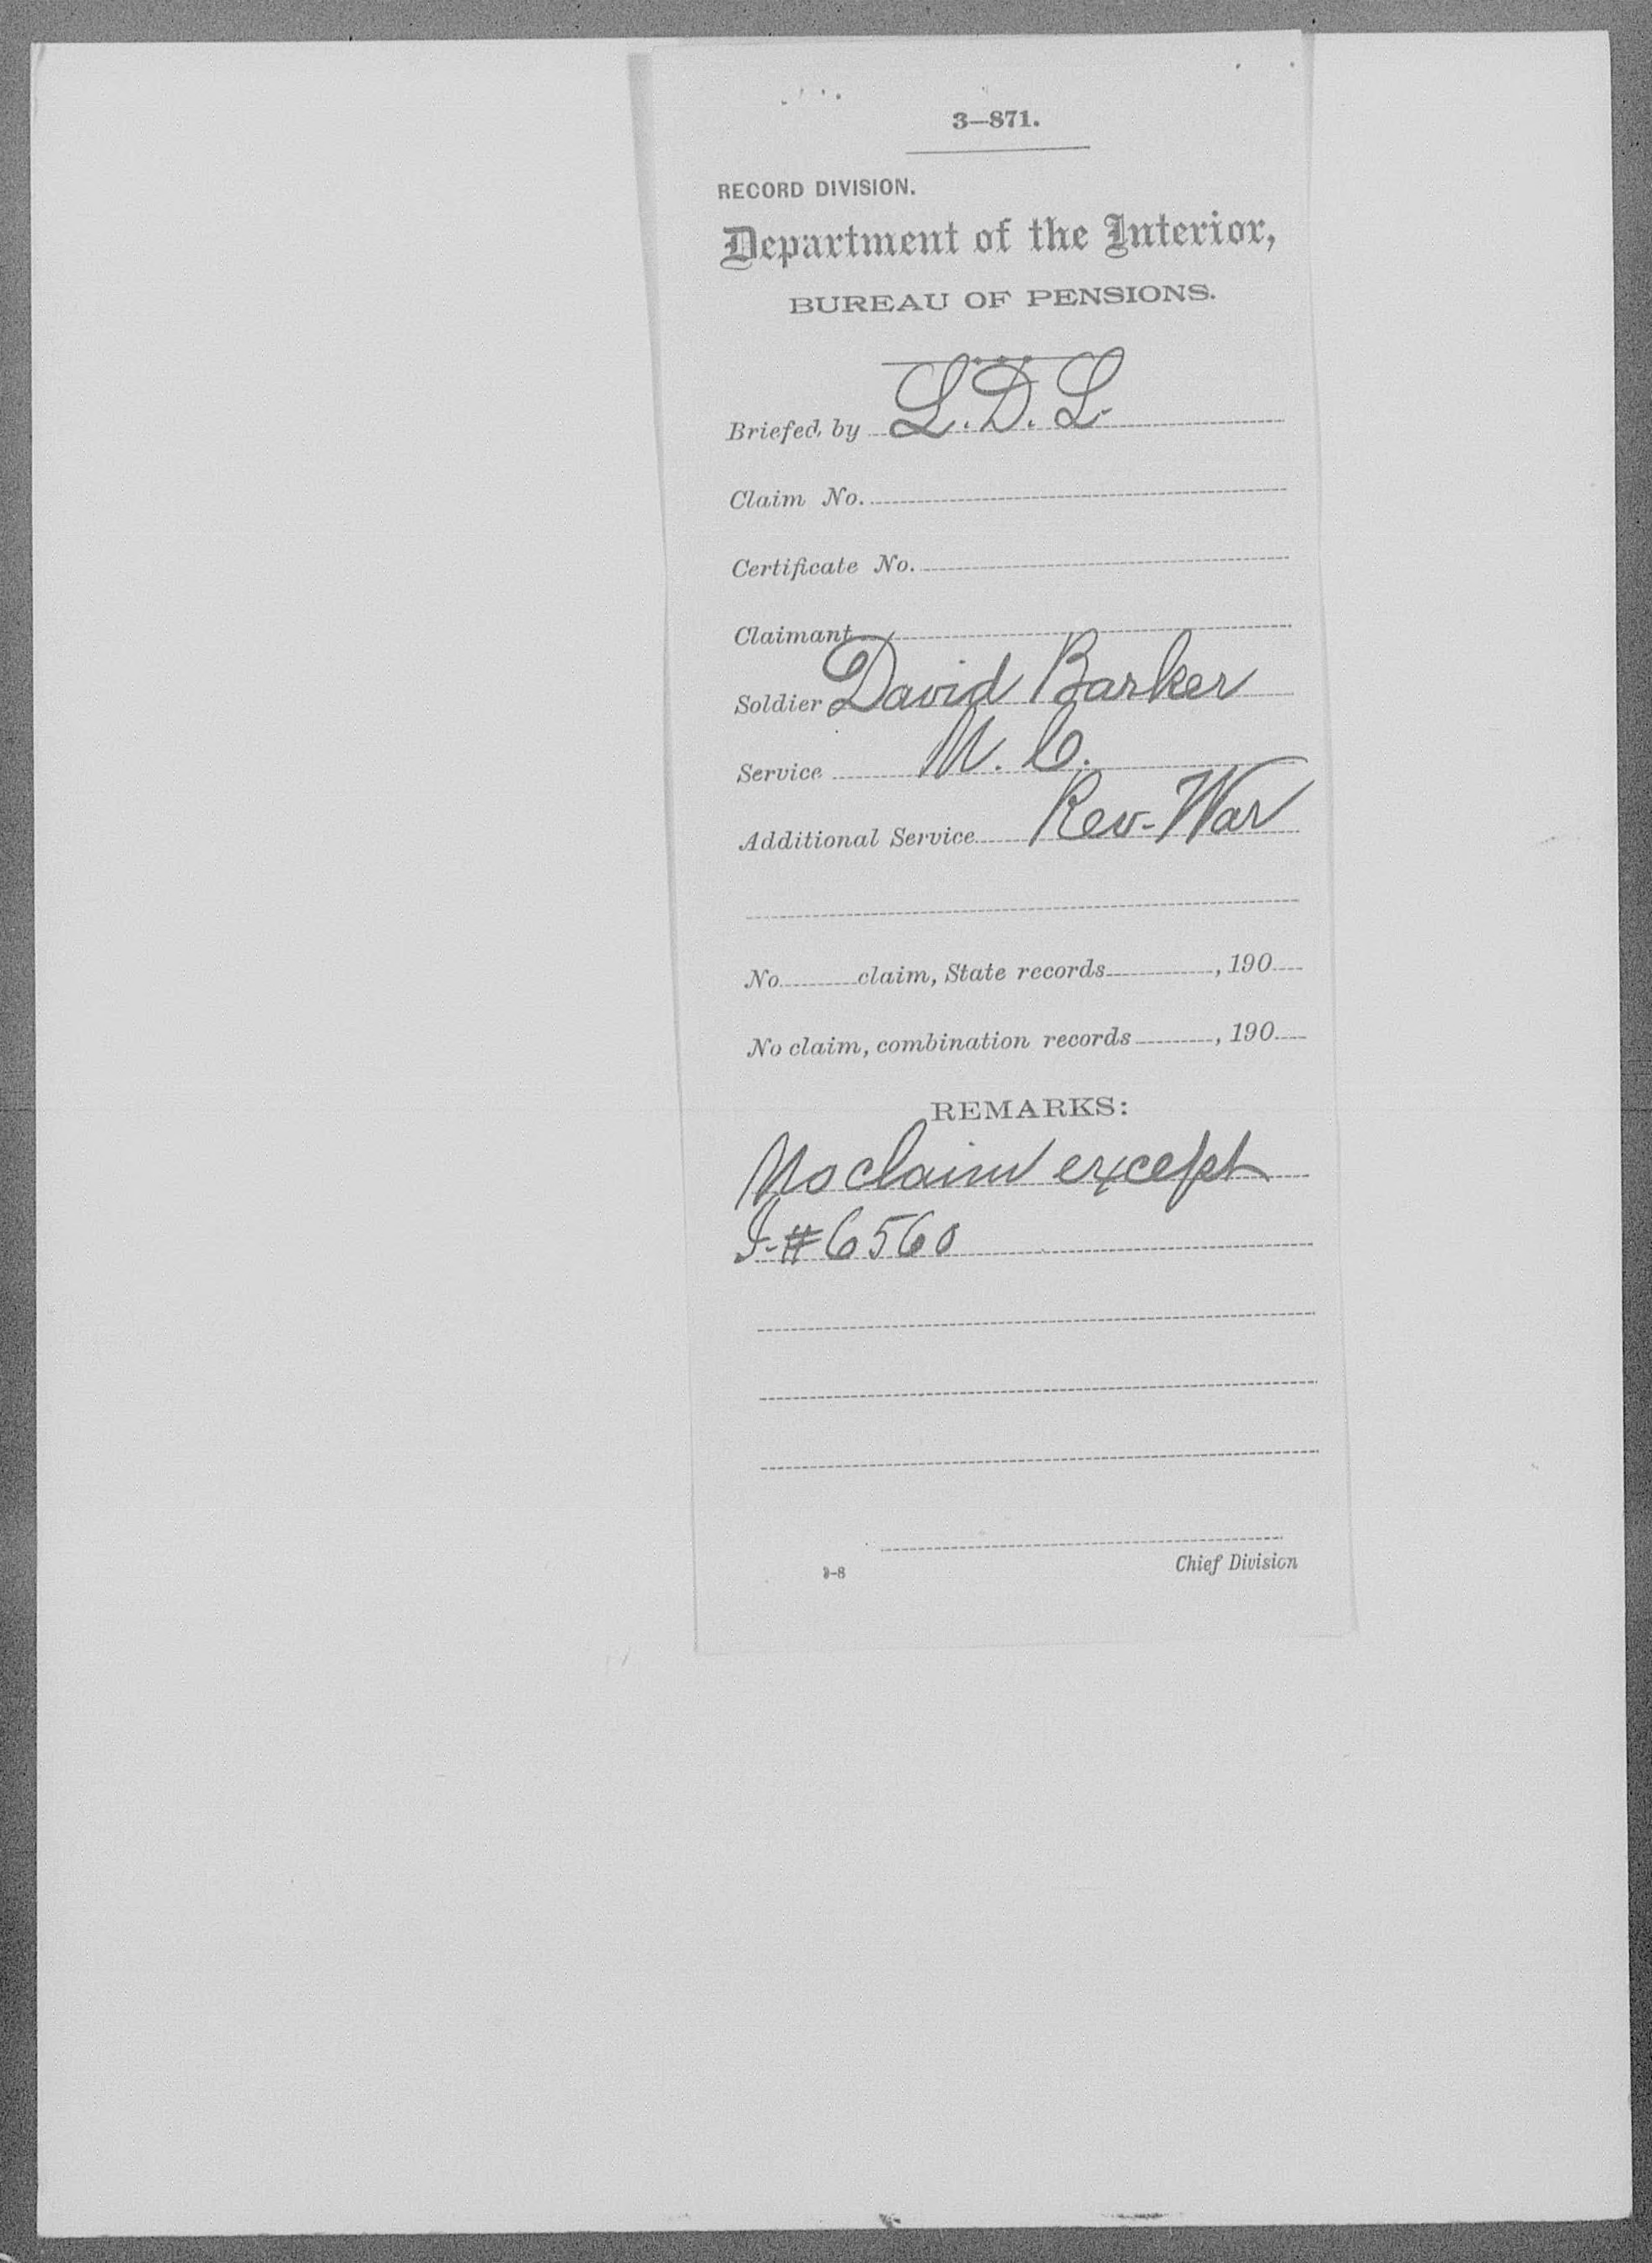[typed form, with handwritten responses]

3-871.

RECORD DIVISION.
Department of the Interior,
BUREAU OF PENSIONS,

Briefed by L. D. L.
Claim No.
Certificate No.
Claimant
Soldier David Parker
Service N. C.
Additional Service Rev. War

No   claim, State records   ,190
No claim, combination records  ,190

REMARKS:
No claim except J. #6560

0-8   Chief Division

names: David Barker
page: 17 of 23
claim: survivor's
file: S. 6560, David Barker, N.C.